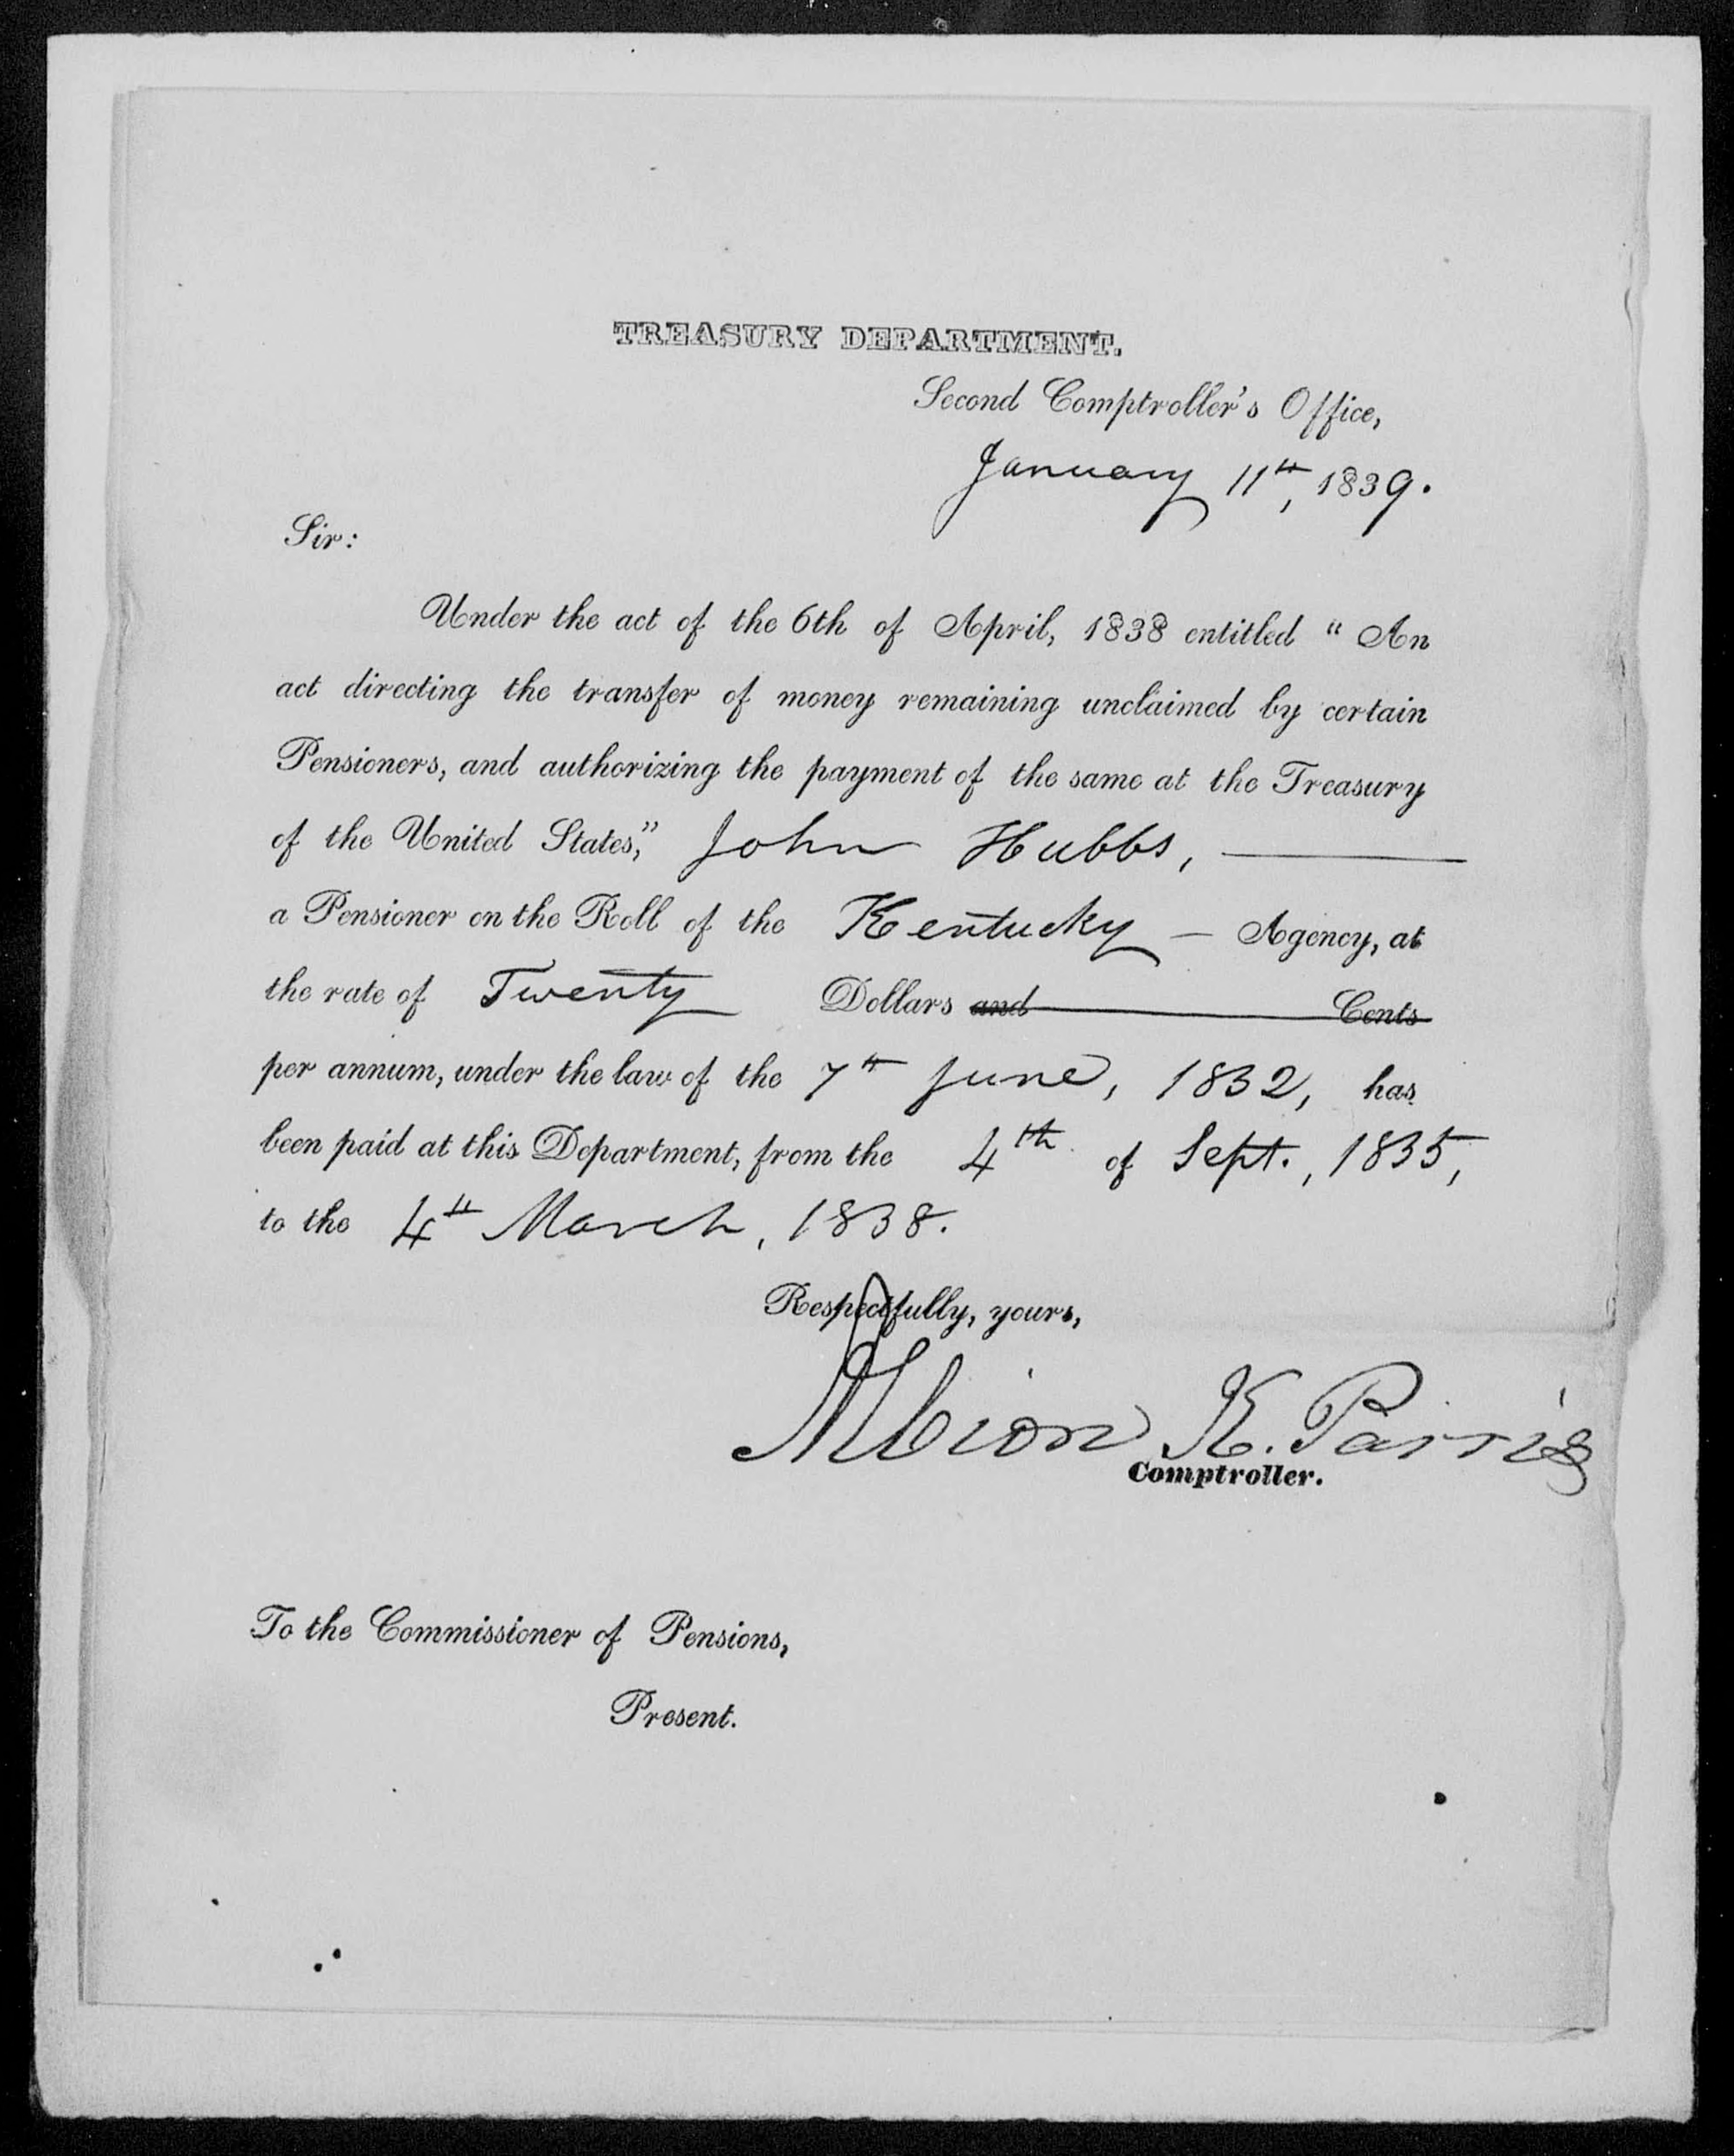TREASURY DEPARTMENT
Second Comptroller's Office,
January 11th 1839.
Sir:
Under the act of the 6th of April, 1838 entitled "An act directing the transfer of money remaining unclaimed by certain Pensioners, and authorizing the payment of the same at the Treasury of the United States", John Hubbs a Pensioner on the Roll of the Kentucky - Agency, at the rate of Twenty Dollars ____Cents per annum, under the law of the 7th June, 1832, has
been paid at this Department, from the
4thof Sept., 1835, to the 4th March, 1838.

Respectfully, yours
Albion K. Parris
Comptroller.
To the Commissioner of Pensions
Present.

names: John Hubbs, Albion K Parris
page: 50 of 86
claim: widow's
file: W. 1035, John Hubbs, S.C.